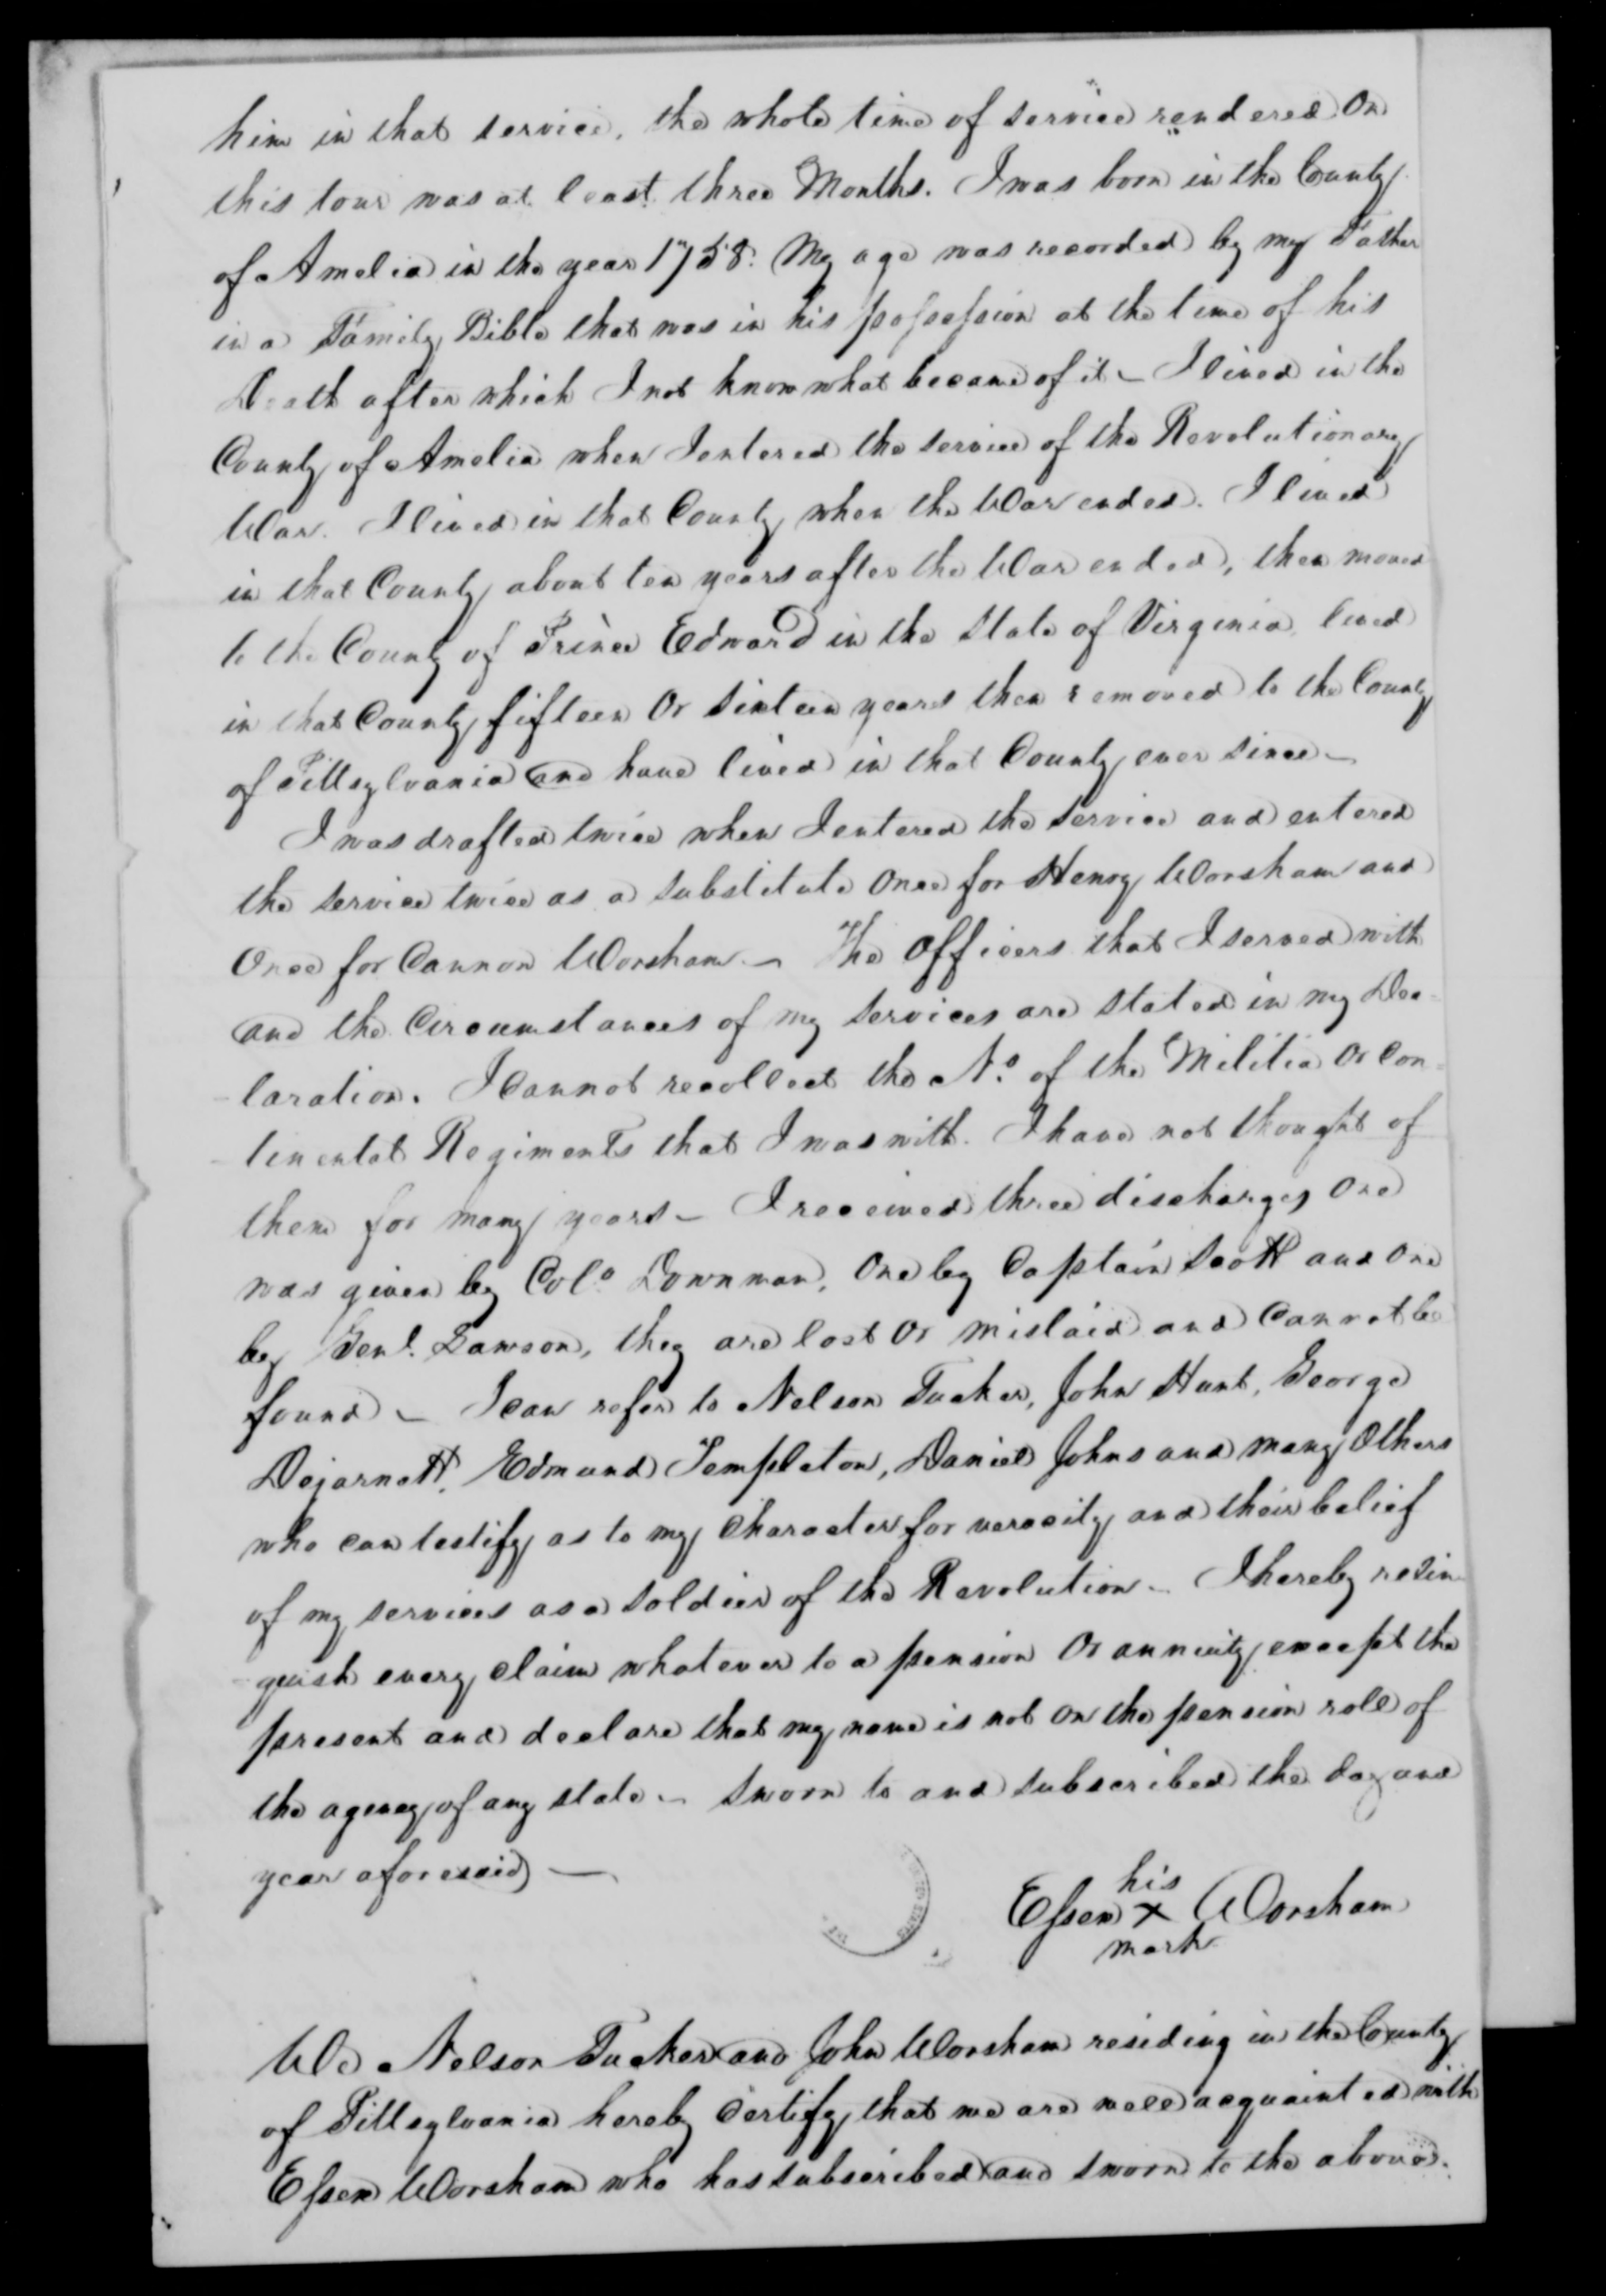him in that service. the whole time of Service rendered On
this town was at least three Months. I was born in the County
of Amelia in the year 1758. My age was recorded by my Father
in my Family Bible that was in his profession at the time of his
Death after which I not know what became of it. I lived in the
County of Amelia when I entered the Service of the Revolutionary
War. I lived in that County when the war ended. I lived
in that County about ten years after the War ended, then moved
to the County of Prince Edward in the State of Virginia. lived 
in that County of fifteen of Sixteen years then removed to the County
of Pittsylvania and have lived in that County ever since -

I was drafted twice when I entered the Services and entered
the Service twice as a Substitute once for Henry Worshaw and
Once for Cannon Worshaw - The officers that I served with
and the Circumstances of my Services are stated in my Declaration.
I cannot recollect the No. of the Militia or Continental
Regiments that I was with. I have not thought of
them for many years - I received three discharges one
was given by Col.o Downman. One by Captain Scott and one
by Gen.l Dawson, they are lost or mislaid and cannot be
found - [illegible]  refer to Nelson Tucker, John Hunt, George
Dejarnett, Edmond Templeton, Daniel Johns and Many Others
who can testify as to my character for veracity and their belief
of my services as a Soldier of the Revolution - I hereby relinquish
every claim whatever to a pension or annuity except the
present and declare that my name is not on the pension roll of
the agency of any state - Sworn to and subscribed the day and
year aforesaid - 

his
x
mark
Essex Worsham

We Nelson Tucker and John Worsham residing in the County
of Pittsylvania hereby certify that we are well acquainted with 
Essex Worsham who has Subscribed and sworn to the above.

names: George Dejarnett, Essex Worsham, Cannon Worsham, Henry Worsham, Daniel Johnsons, Scott, Nelson Tucker, Edmund Templeton, Downman, John Worsham, John Hunt, Dawson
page: 5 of 16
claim: survivor's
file: S. 6,447, Essex Worsham, Va.